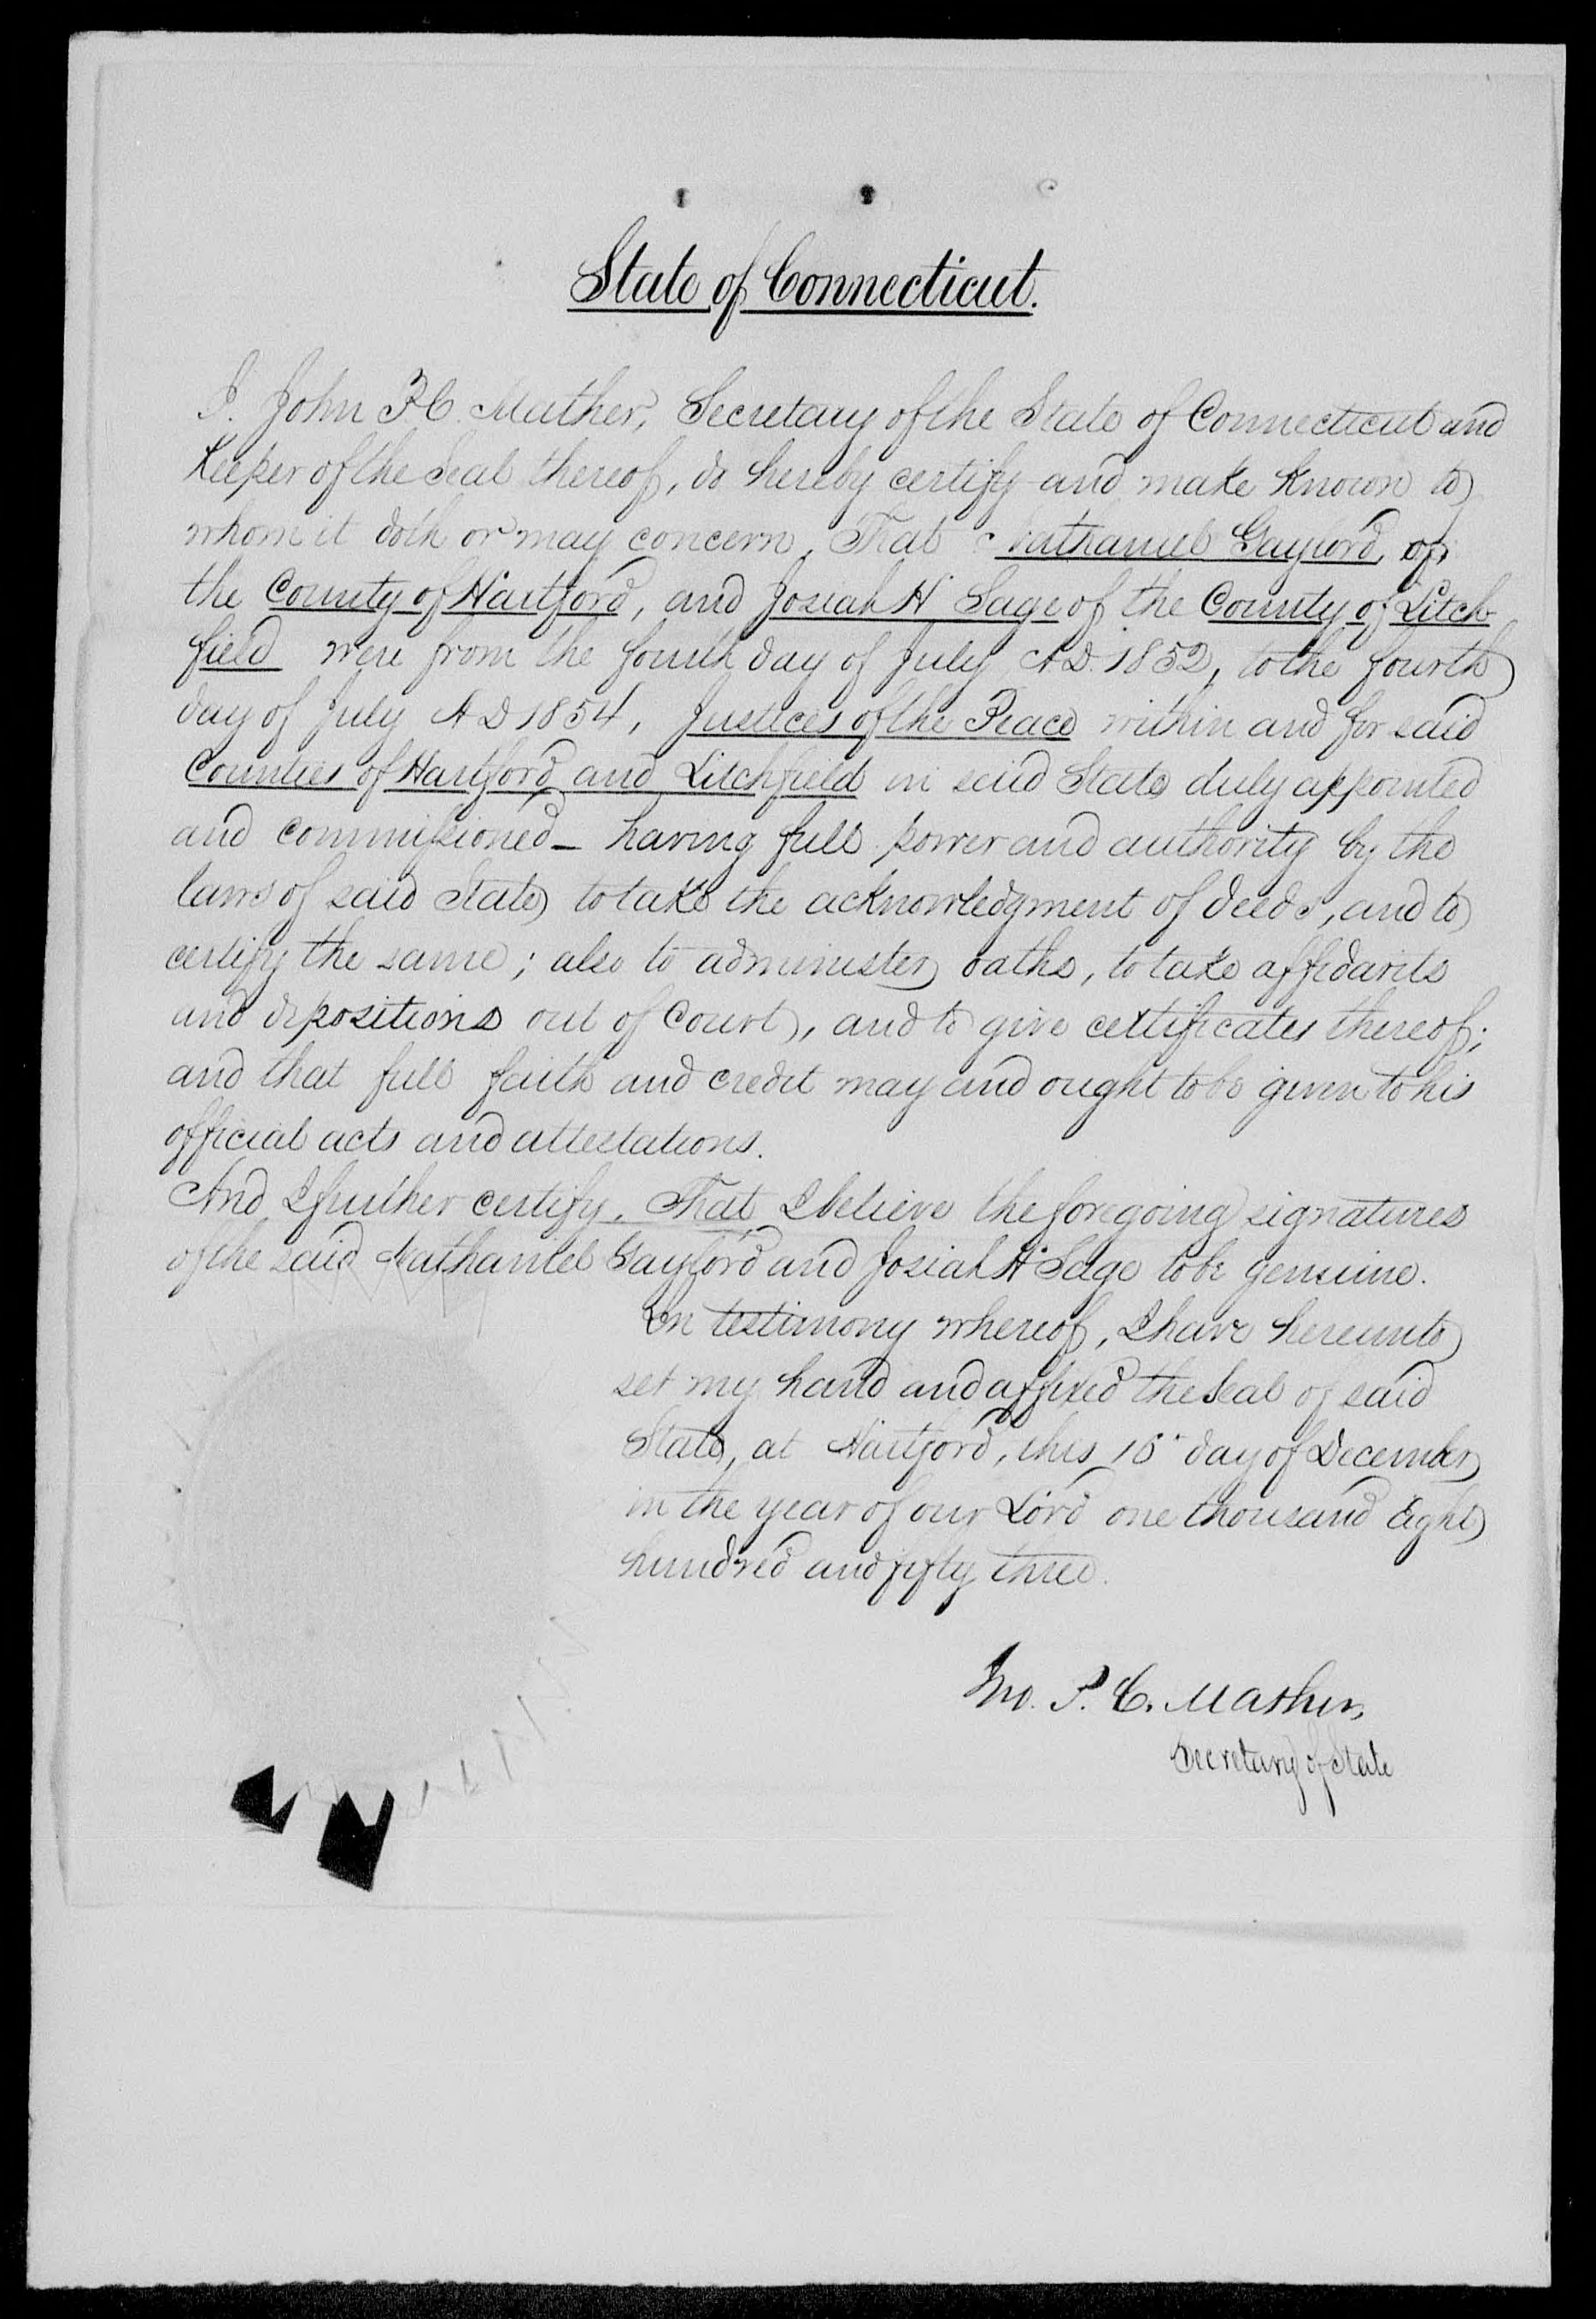State of Connecticut
I, John P. C. Mather, Secretary of the State of Connecticut and keeper of the Seal thereof, do hereby certify and make known to whom it doth or may concern, That Nathaniel Gaylord of the county of Hartford, and Josiah H Sage of the county of Litchfield were from the fourth day of July AD 1852, to the fourth day of July AD 1854, Justices of the Peace within and for said counties of Hartford and Litchfield in said State duly appointed and commissioned, having full power and authority by the laws of said State, to take the acknowledgements of deeds, and to certify the same; also to administer oaths, to take affidavits and depositions out of Court, and to give certificates thereof; and that full faith and credit may and ought to be given to his official acts and attestations.
And I further certify, that I believe the foregoing signatures of the said Nathaniel Gaylord and Josiah Sage to be genuine.
In testimony whereof, I have hereunto set my hand and affixed the Seal of said State, at Hartford, this 15th day of December in the year of our Lord one thousand eight hundred and fifty three.

Jno P. C. Mather
Secretary of State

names: Nathaniel Gaylord, Josiah H Sage, Josiah H Sage, Jno P C Mather, John P C Mather, Nathaniel Gaylord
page: 65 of 76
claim: widow's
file: W. 5,250, Timothy Coe, Conn.